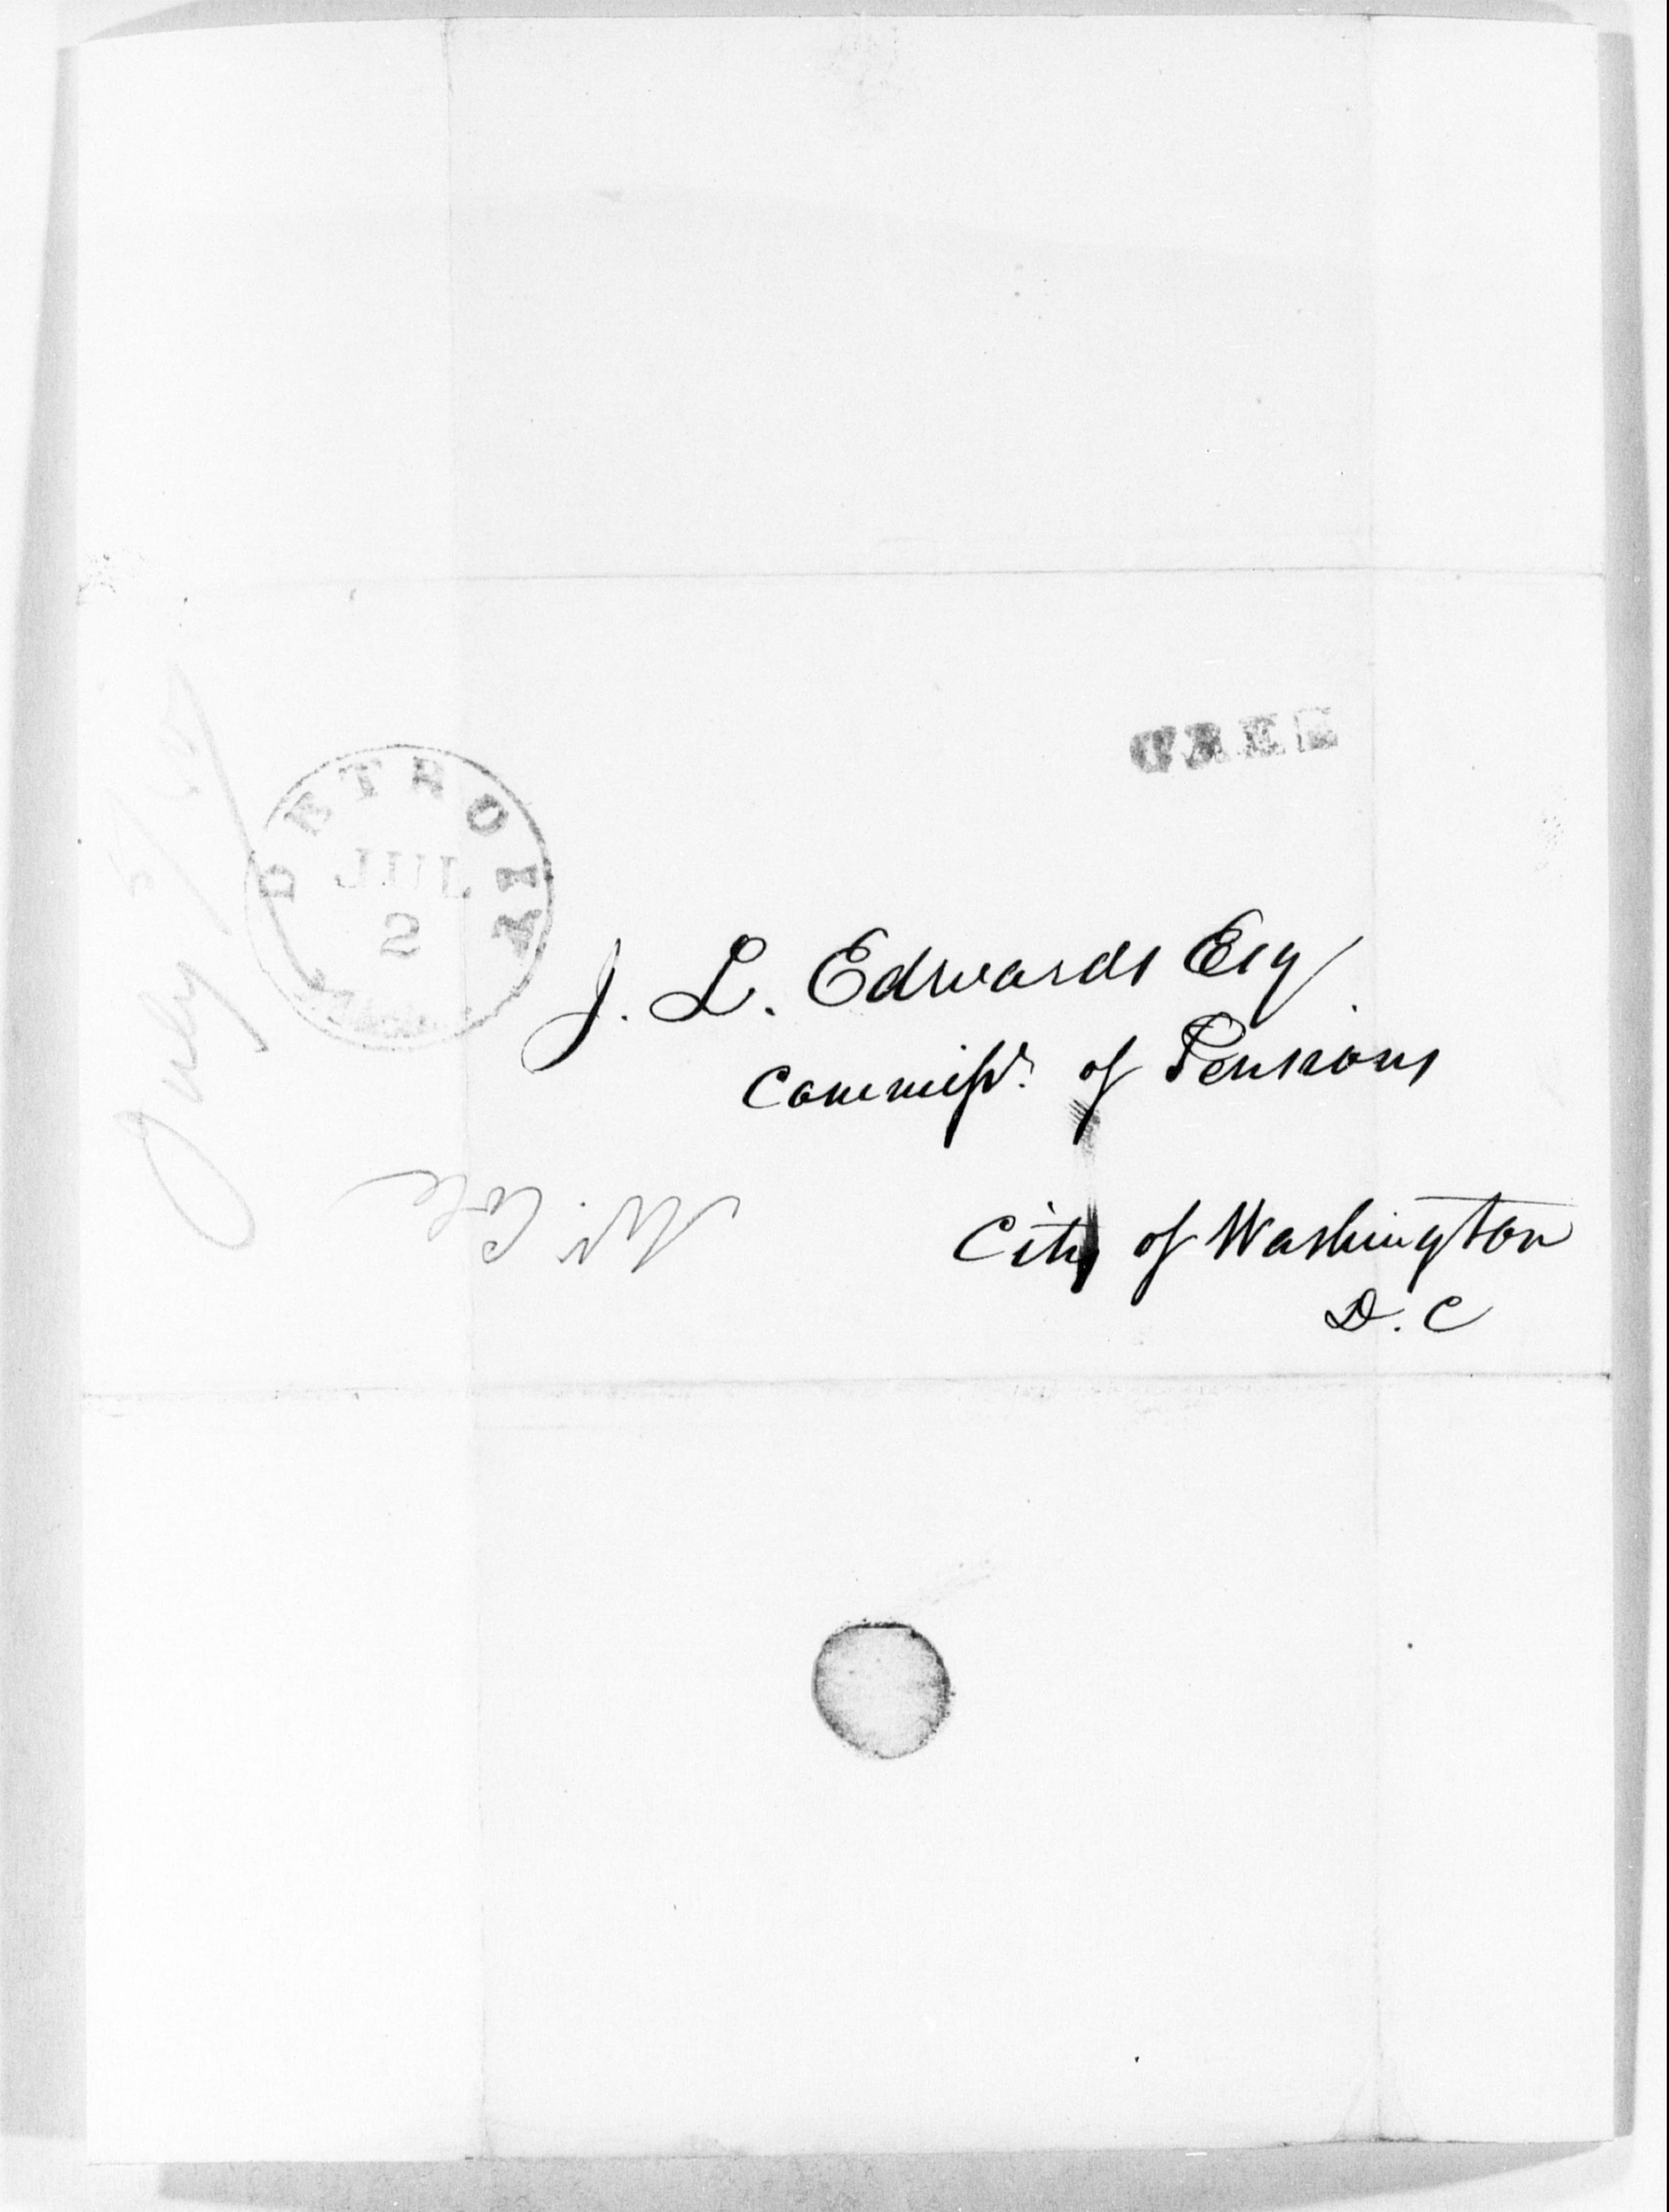J. L. Edwards Esq
Commiss of Pensions
City of Washington
D. C.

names: J L Edwards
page: 51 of 78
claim: widow's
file: W. 4117, Nathaniel Bradley, Conn.